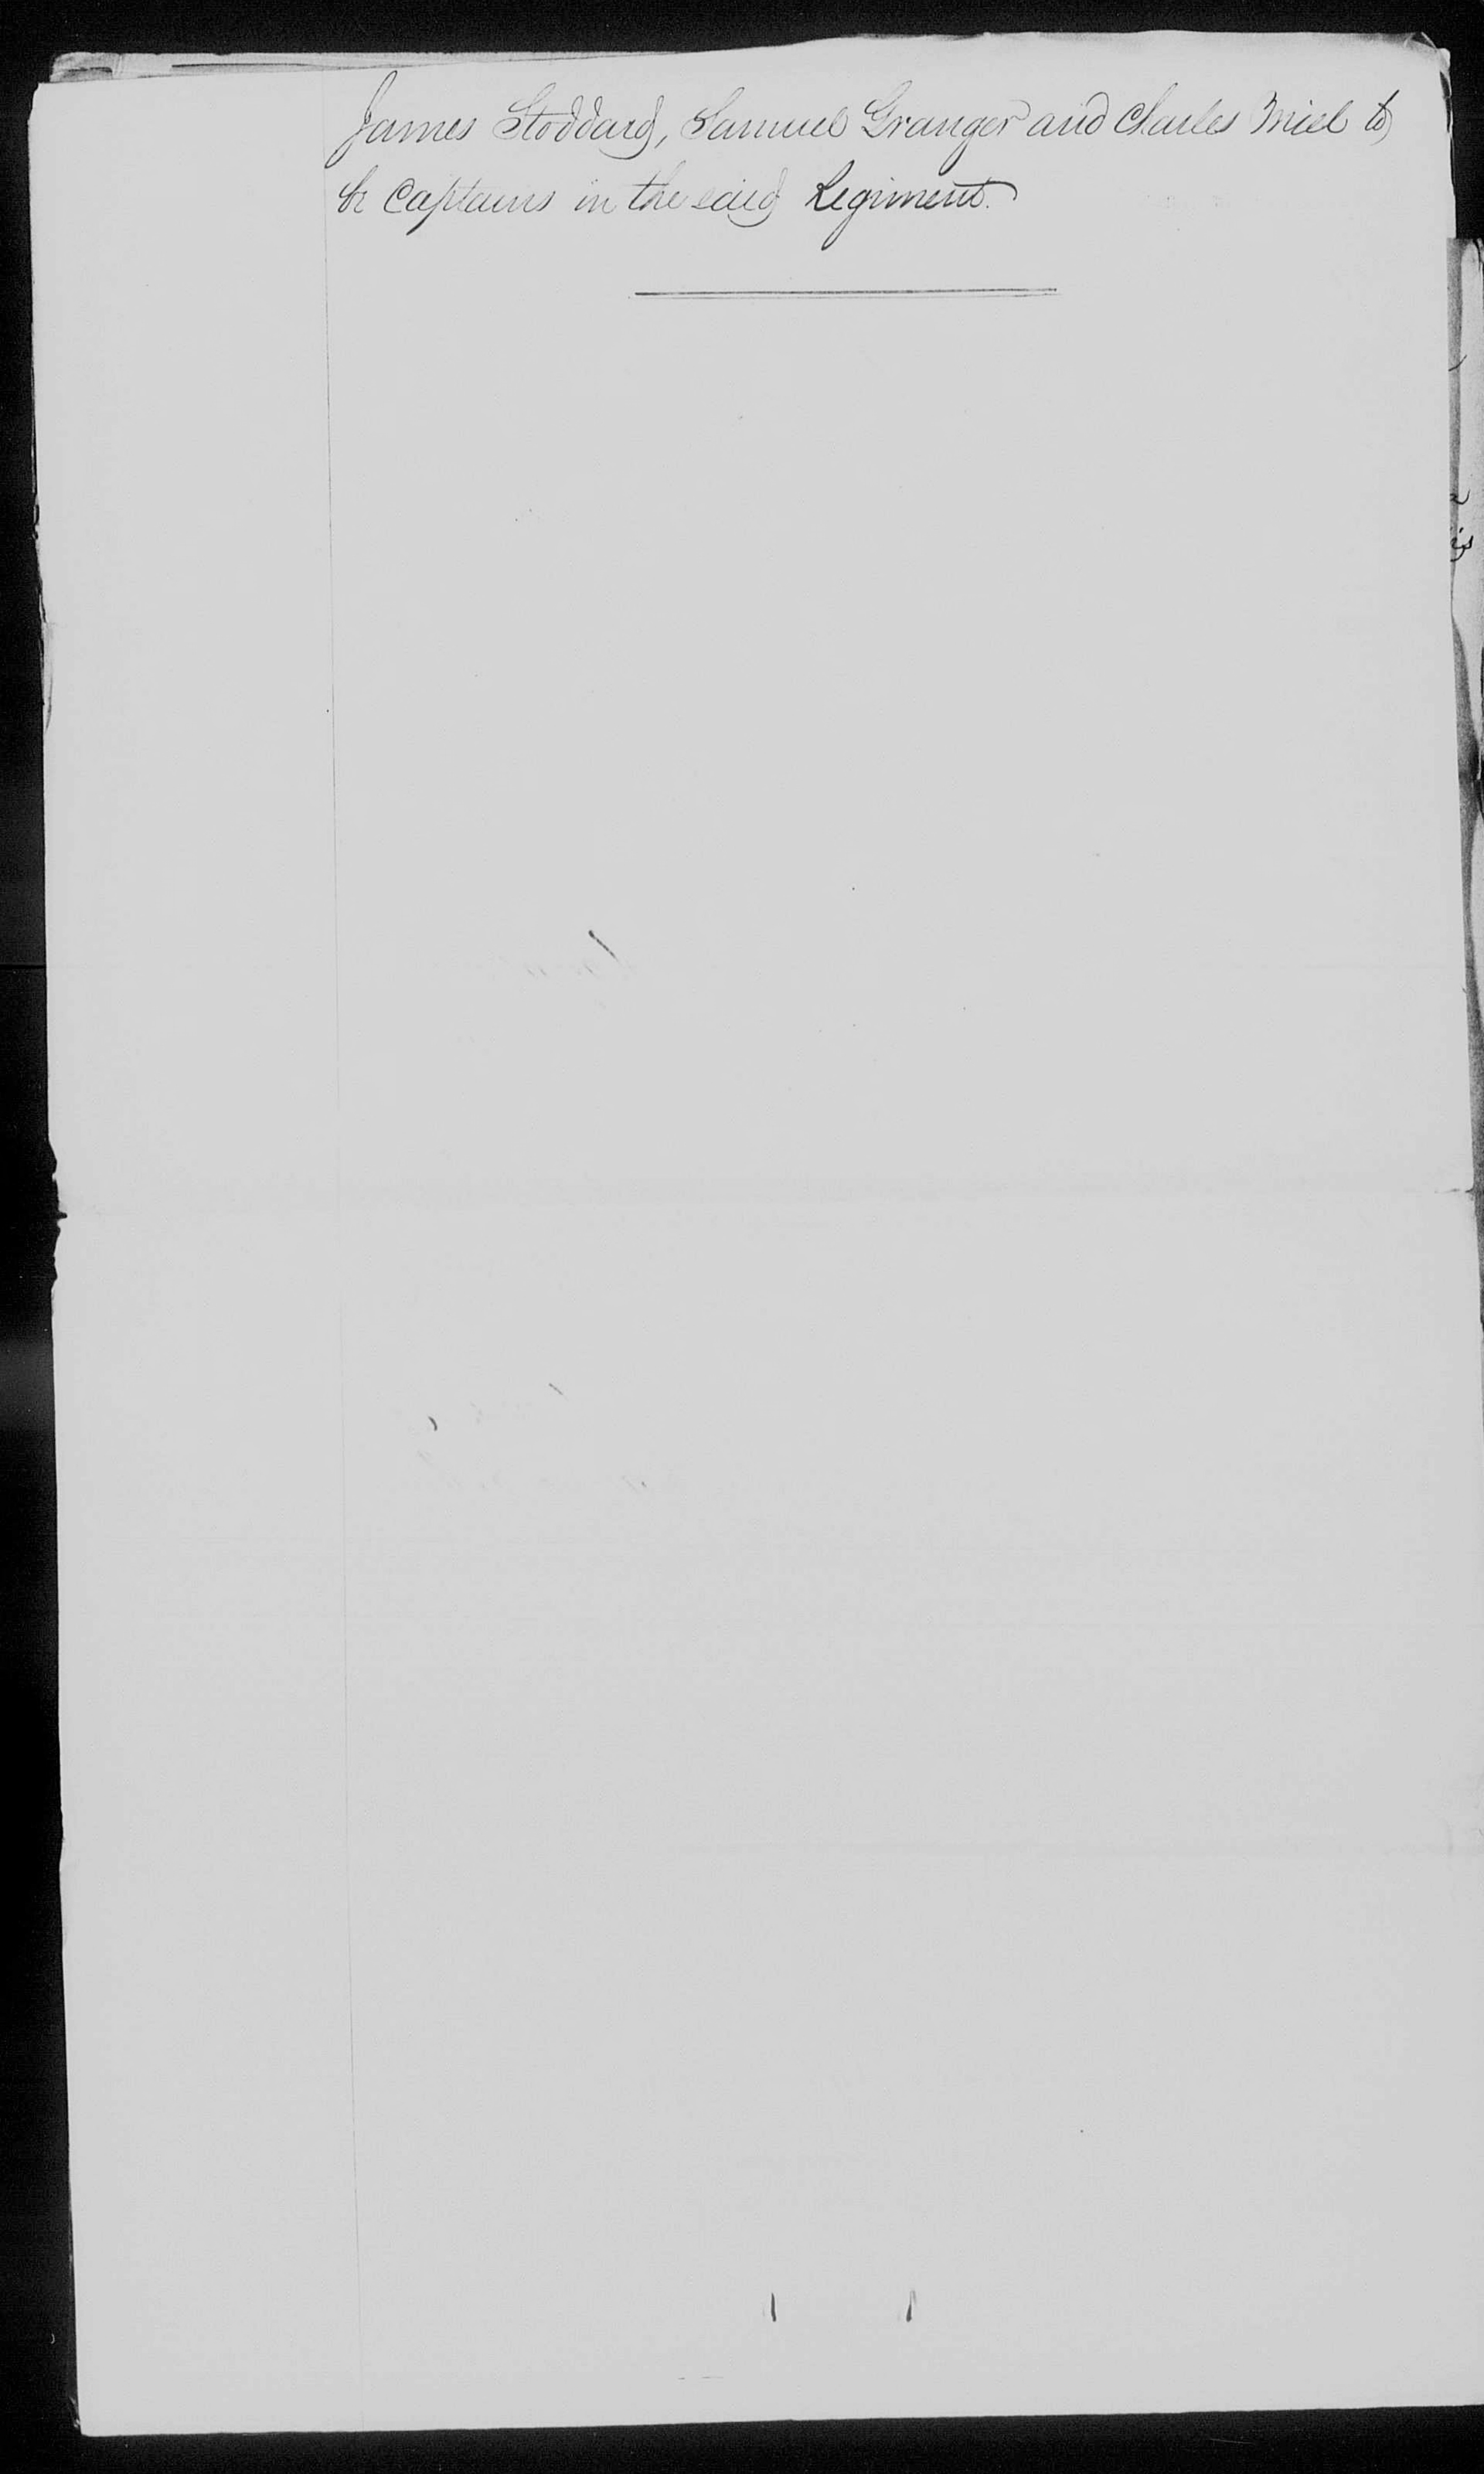James Stoddard, Samuel Granger and Charles Miel to be Captains in the said Regiment.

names: Charles Miel, Samuel Granger, James Stoddard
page: 85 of 106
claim: survivor's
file: S 23,116., Joshua Benedict, Conn.